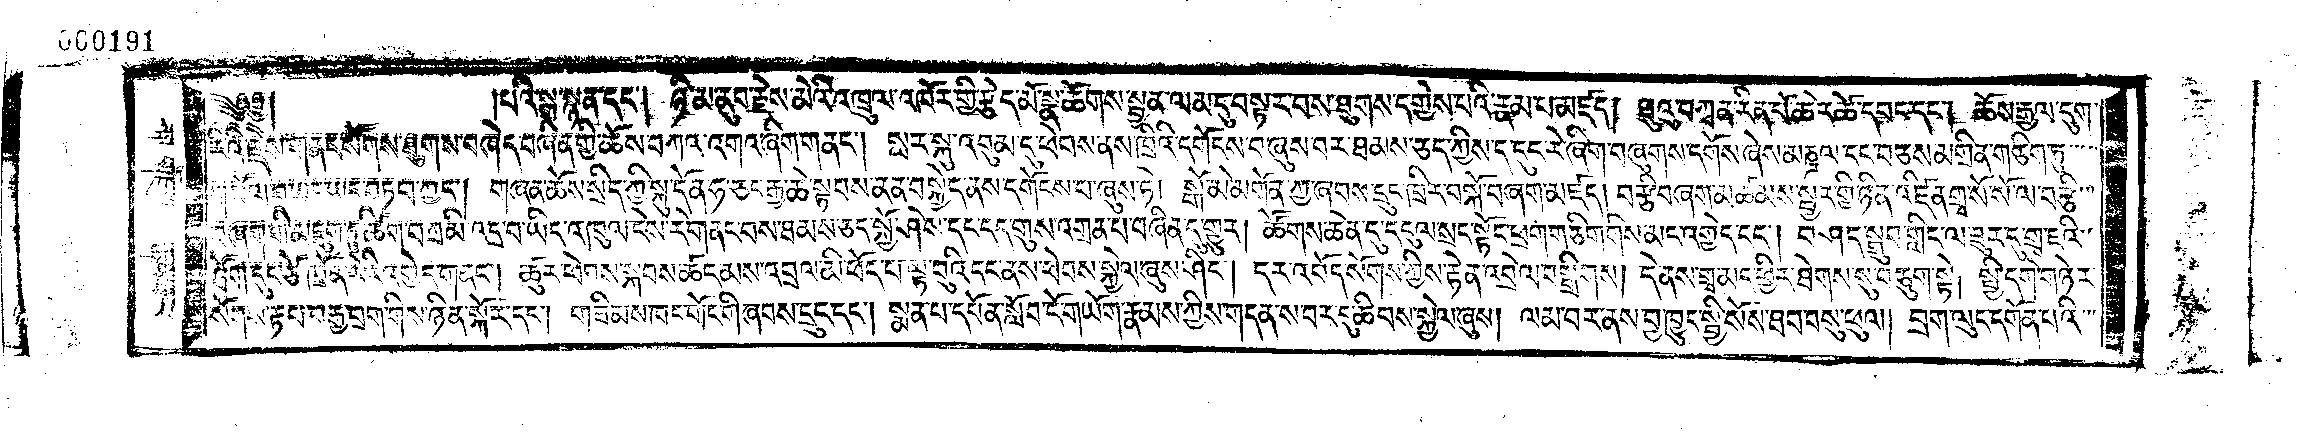༄༅། །པའི་སྒྲ་སྙན་དང་། ཉི་མ་ནུབ་རྗེས་མོའི་འཁྲུལ་འཁོར་གྱི་རྩེད་མོ་སྣ་ཚོགས་སྤྱན་ལམ་དུ་བསྟར་བས་ཐུགས་དགྱེས་པའི་རྣམ་པ་མཛད། ཐུའུ་བཀྭན་རིན་པོ་ཆེར་ཚེ་དབང་དང་། ཆོས་རྒྱལ་དུག་
རིའི་རྗེས་གནང་སོགས་ཐུགས་བཞེད་བཞིན་གྱི་ཆོས་བཀའ་འགའ་ཞིག་གནང་། སླར་སྐུ་འབུམ་དུ་ཕེབས་ནས་ཁྲིའི་དགོངས་པ་ཞུས་པར་ཐམས་ཅད་ཀྱིས་ད་དུང་རེ་ཞིག་བཞུགས་དགོས་ཞེས་མཎྜལ་དང་བཅས་མགྲིན་གཅིག་ཏུ་
གསོལ་བ་ཡང་ཡང་བཏབ་ཀྱང་། གཞན་ཆོས་སྲིད་ཀྱི་སྐུ་དོན་ཧ་ཅང་རྒྱ་ཆེ་སྟབས་ནན་བསྐྱེད་ནས་དགོངས་པ་ཞུས་ཏེ། སྒོ་མེ་མགོན་ཀྱ་ཞབས་དྲུང་ཁྲིར་བསྐོ་བཞག་མཛད། བརྩིལ་ཞག་མཚམས་སྦྱར་གྱི་ཉིན་འཛིན་གྲྭ་སོ་སོ་ལ་བརྩི་
བཞག་གི་མཇུག་ཏུ་ཚིག་བཀྲ་མི་འདྲ་བ་ཡིད་འཁུལ་ངེས་རེ་གནང་བས་ཐམས་ཅད་སྐྱོ་ཤེས་དང་དད་གུས་འགྲན་པ་བཞིན་དུ་གྱུར། ཚོགས་ཆེན་དུ་དངུལ་སྲང་སྟོང་ཕྲག་གཅིག་གིས་མང་འགྱེད་དང་། བཤད་སྒྲུབ་གླིང་ལ་ཟུར་དུ་གྲྭ་ཇའི་
ཐོག་དུང་རྩེ་ཁྲོན་རེའི་འགྱེད་གནང་། ཚུར་ཕེབས་སྐབས་ཚང་མས་འབྲལ་མི་ཕོད་པ་ལྟ་བུའི་ངང་ནས་ཕེབས་སྐྱེལ་ཞུས་ཤིང་། དར་འབོད་སོགས་ཀྱིས་རྟེན་འབྲེལ་བསྒྲིགས། དེ་ནས་གྲྭ་མང་ཕྱིར་ཐེགས་སུ་བཅུག་སྟེ། སྤྱི་དག་གཉེར་
སོགས་རྟ་བ་བརྒྱ་ཕྲག་གིས་ཉིན་སྐོར་དང་། གཟིམས་ཁང་གོང་གི་ཞབས་དྲུང་དང་། སྨན་པ་དཔོན་སློབ་ངོ་གཡོག་རྣམས་ཀྱིས་གདན་ས་བར་དུ་ཆིབས་སྐྱེལ་ཞུས། ལམ་བར་ནས་བྱ་ཁྱུང་སྤྱི་སོས་ཐབ་བསུ་ཕུལ། བྲག་ལུང་དགོན་པའི་